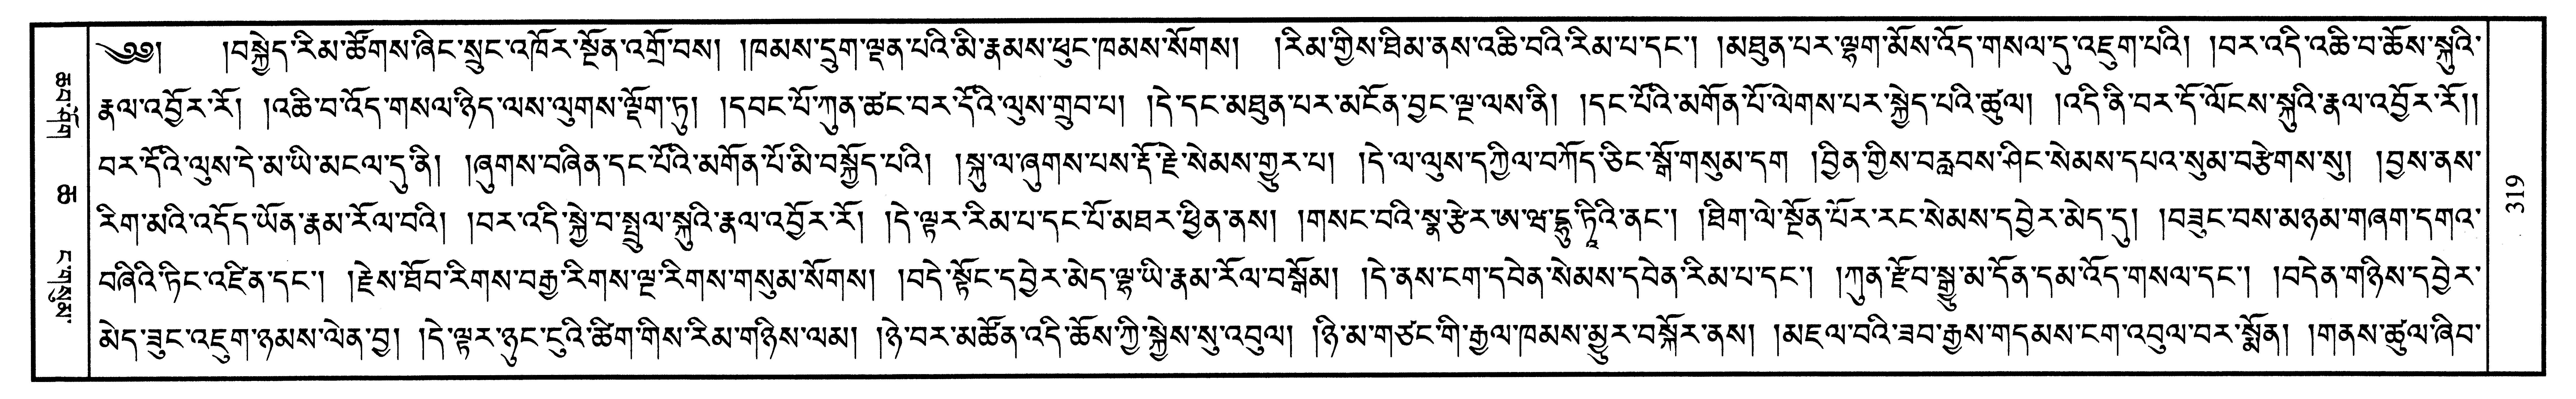༄༅། །བསྐྱེད་རིམ་ཚོགས་ཞིང་སྲུང་འཁོར་སྔོན་འགྲོ་བས། །ཁམས་དྲུག་ལྡན་པའི་མི་རྣམས་ཕུང་ཁམས་སོགས། །རིམ་གྱིས་ཐིམ་ནས་འཆི་བའི་རིམ་པ་དང་། །མཐུན་པར་ལྷག་མོས་འོད་གསལ་དུ་འཇུག་པའི། །བར་འདི་འཆི་བ་ཆོས་སྐུའི་
རྣལ་འབྱོར་རོ། །འཆི་བ་འོད་གསལ་ཉིད་ལས་ལུགས་ལྡོག་ཏུ། །དབང་པོ་ཀུན་ཚང་བར་དོའི་ལུས་གྲུབ་པ། །དེ་དང་མཐུན་པར་མངོན་བྱང་ལྔ་ལས་ནི། །དང་པོའི་མགོན་པོ་ལེགས་པར་སྐྱེད་པའི་ཚུལ། །འདི་ནི་བར་དོ་ལོངས་སྐུའི་རྣལ་འབྱོར་རོ།།
བར་དོའི་ལུས་དེ་མ་ཡི་མངལ་དུ་ནི། །ཞུགས་བཞིན་དང་པོའི་མགོན་པོ་མི་བསྐྱོད་པའི། །སྐུ་ལ་ཞུགས་པས་རྡོ་རྗེ་སེམས་གྱུར་པ། །དེ་ལ་ལུས་དཀྱིལ་བཀོད་ཅིང་སྒོ་གསུམ་དག །བྱིན་གྱིས་བརླབས་ཤིང་སེམས་དཔའ་སུམ་བརྩེགས་སུ། །བྱས་ནས་
རིག་མའི་འདོད་ཡོན་རྣམ་རོལ་བའི། །བར་འདི་སྐྱེ་བ་སྤྲུལ་སྐུའི་རྣལ་འབྱོར་རོ། །དེ་ལྟར་རིམ་པ་དང་པོ་མཐར་ཕྱིན་ནས། །གསང་བའི་སྣ་རྩེར་ཨ་ཝ་དྷཱུ་ཏཱིའི་ནང་། །ཐིག་ལེ་སྔོན་པོར་རང་སེམས་དབྱེར་མེད་དུ། །བཟུང་བས་མཉམ་གཞག་དགའ་
བཞིའི་ཏིང་འཛིན་དང་། །རྗེས་ཐོབ་རིགས་བརྒྱ་རིགས་ལྔ་རིགས་གསུམ་སོགས། །བདེ་སྟོང་དབྱེར་མེད་ལྷ་ཡི་རྣམ་རོལ་བསྒོམ། །དེ་ནས་ངག་དབེན་སེམས་དབེན་རིམ་པ་དང་། །ཀུན་རྫོབ་སྒྱུ་མ་དོན་དམ་འོད་གསལ་དང་། །བདེན་གཉིས་དབྱེར་
མེད་ཟུང་འཇུག་ཉམས་ལེན་བྱ། །དེ་ལྟར་ཉུང་ངུའི་ཚིག་གིས་རིམ་གཉིས་ལམ། །ཉེ་བར་མཚོན་འདི་ཆོས་ཀྱི་སྐྱེས་སུ་འབུལ། །ཉི་མ་གཙང་གི་རྒྱལ་ཁམས་མྱུར་བསྐོར་ནས། །མཇལ་བའི་ཟབ་རྒྱས་གདམས་ངག་འབུལ་བར་སྨོན། །གནས་ཚུལ་ཞིབ་